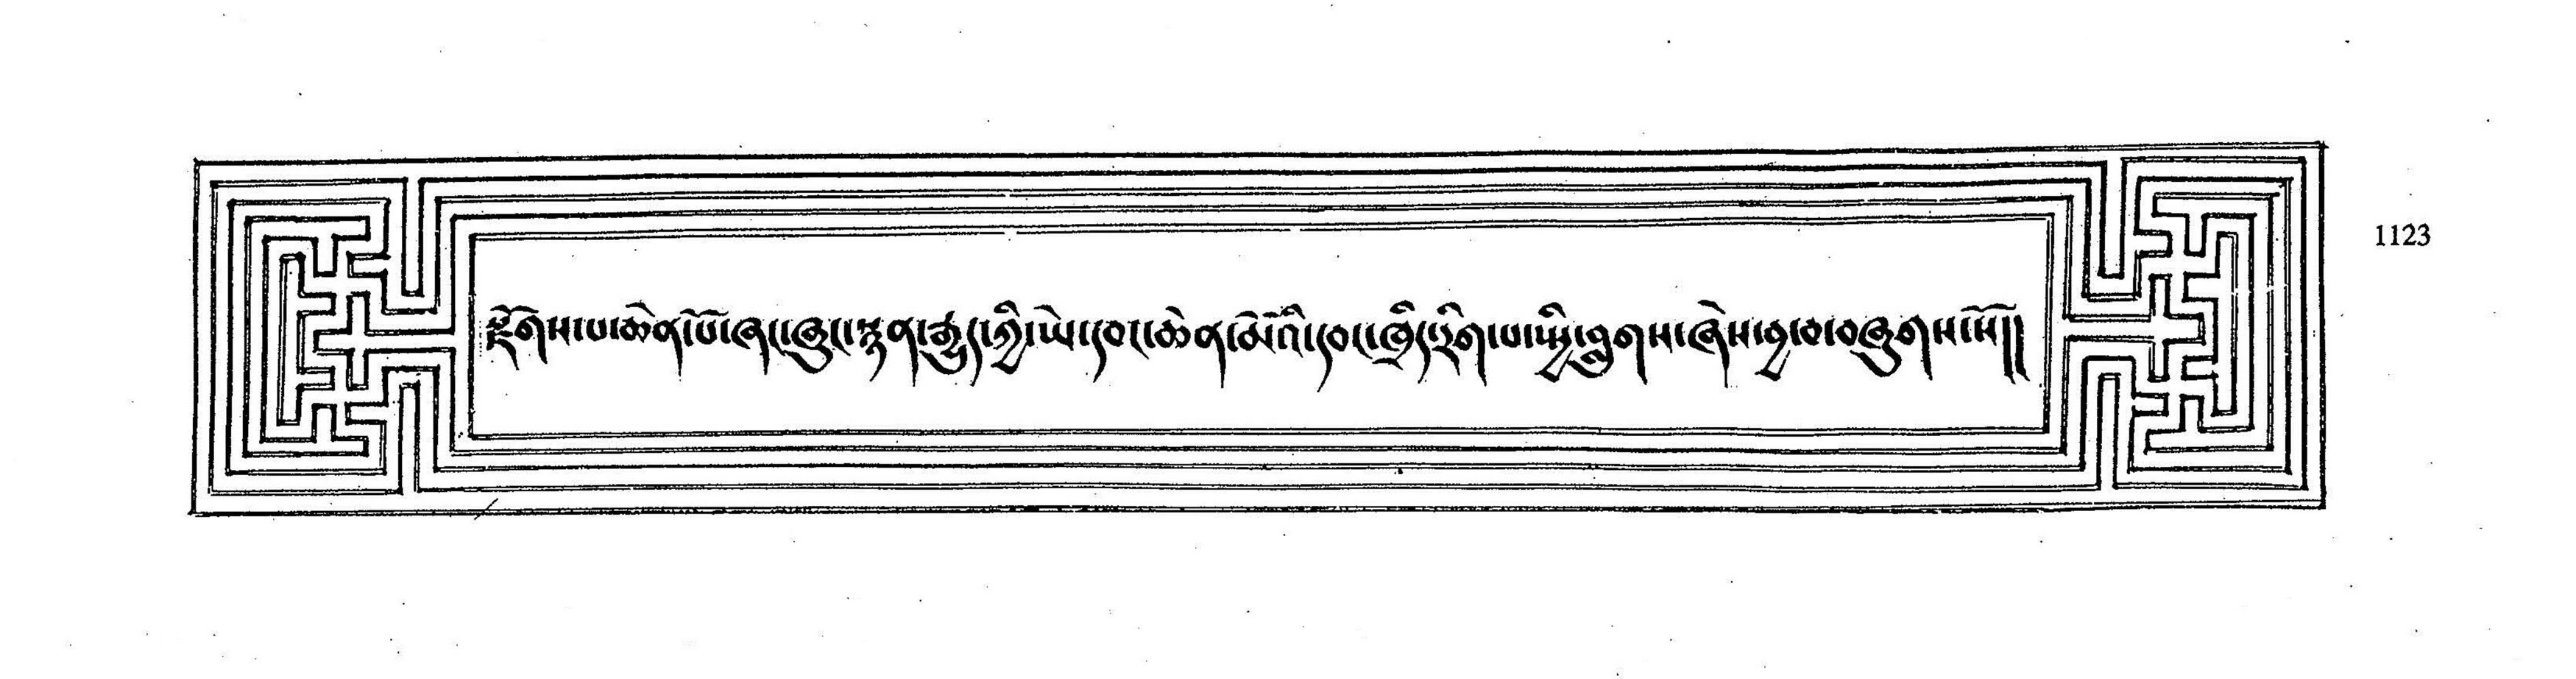རྫོགས་པ་ཆེན་པོ་ཞང་ཞུང་སྙན་རྒྱུད་ཀྱི་ཡེ་དབང་ཆེན་མོའི་དབང་ཁྲིད་རིག་པ་སྤྱི་བླུགས་ཞེས་བྱ་བ་བཞུགས་སོ།།